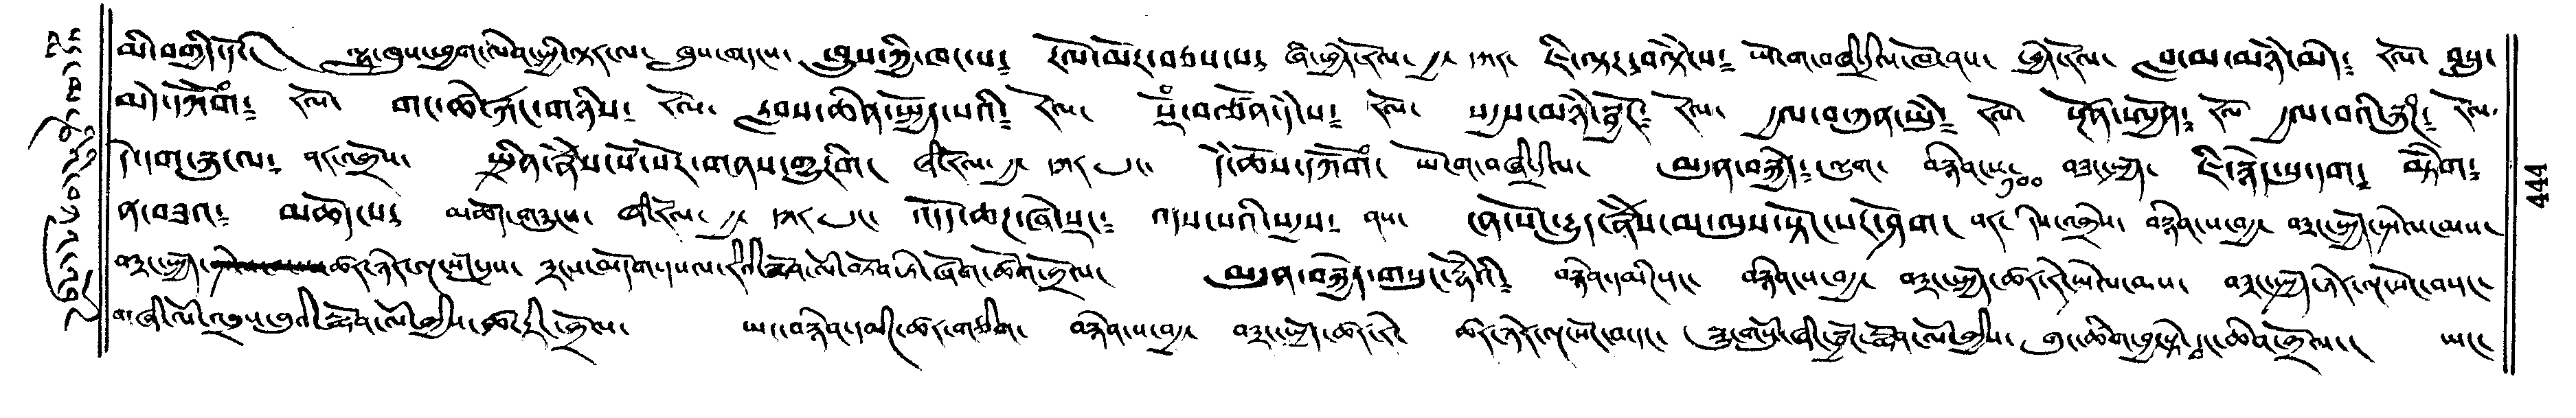མི་བགྱིད་དོ། ལྷ་ཁྲུས་ཕྱག་ལེན་སྤྱི་ལྟར་ལ། ཁྲུས་གདངས། ཁྲུས་ཀྱི་ཁང་པ༴ རོལ་མོར་བཅས་པ༴ ཞི་ཕྱེད་རོལ། རྒྱ། དཀར། ཇི་ལྟར་བལྟམས་པ༴ ཡོ་ག་བཞི་དྲིལ་ཁོ་ནས། ཕྱེད་རོལ། བླ་མ་མཉམ་མེད༴ རོལ། བསླུ་
མེད་དཀོན་མཆོག༴ རོལ། གང་ཚེ་རྐང་གཉིས༴ རོལ། རླབས་ཆེན་སྤྱོད་པའི༴ རོལ། སངས་རྒྱས་མཉམ་སྦྱོར༴ རོལ། རྒྱལ་བ་ཀུན་ཡུམ༴ རོལ། སྔོན་ཚེ་ཨོ་རྒྱན༴ རོལ། རྒྱལ་བའི་སྐུ་གསུང་ཐུགས༴ རོལ། 
དེ་དག་སྐུ་ལ༴ ནར་འགྲོས། སྤྲིན་རྣམས་སོ་སོར་གནས་གྱུར་ཅིག ཞི་རོལ། རྒྱ། དཀར། དུང་། དམ་ཆོས་དཀོན་མཆོག༴ཡོ་ག་བཞི་དྲིལ། མདུན་བསྐྱེད༴ ལྷུག། བསྙེན་པ་བརྒྱ། བཟང་སྤྱོད། ཇི་སྙེད་སུ་དག༴ མེ་ཏོག༴ 
ན་བཟའ༴ མཆོད་པ༴ མཆོད་གཟུངས། ཞི་རོལ། རྒྱ། དཀར། དུང་། འདོད་ཆགས་ཞེ་སྡང༴ འདས་པའི་སངས་རྒྱས༴ ནས། ངན་སོང་རྒྱུད་རྣམས་མ་ལུས་སྟོངས་པར་ཤོག བར་དེས་འགྲེས། བསྙེན་པ་བརྒྱ། བཟང་སྤྱོད་སྤེལ་མས་
བཟང་སྤྱོད་ཚར་ཉེར་ལྔ་སོང་དུས། ཟངས་མདོག་དཔལ་རིའི་སྨོན་ལམ་བཏོན་ཏེ་ཞོག་ཚོགས་གྲོལ། མདུན་བསྐྱེད་གསུང་རྡོ་རྗེའི༴ བསྙེན་དམིགས་དང་། བསྙེན་པ་བརྒྱ། བཟང་སྤྱོད་ཚར་རེ་སྤེལ་མས། བཟང་སྤྱོད་ཉེར་ལྔ་སོང་བ་དང་། 
གཞི་ལམ་འབྲས་བུའི་སྨོན་ལམ་གྱིས་ཚ་རྟིང་གྲོལ། ཡང་བསྙེན་དམིགས་ཚར་གཅིག བསྙེན་པ་བརྒྱ། བཟང་སྤྱོད་ཚར་རེ། ཚར་ཉེར་ལྔ་སོང་བ་དང་། སྐུ་གསུམ་ཞིང་སྦྱོང་སྨོན་ལམ་གྱིས། གུང་ཚིགས་བྱ་སྟེ་དྭངས་ཆེན་གྲོལ། ཡང་